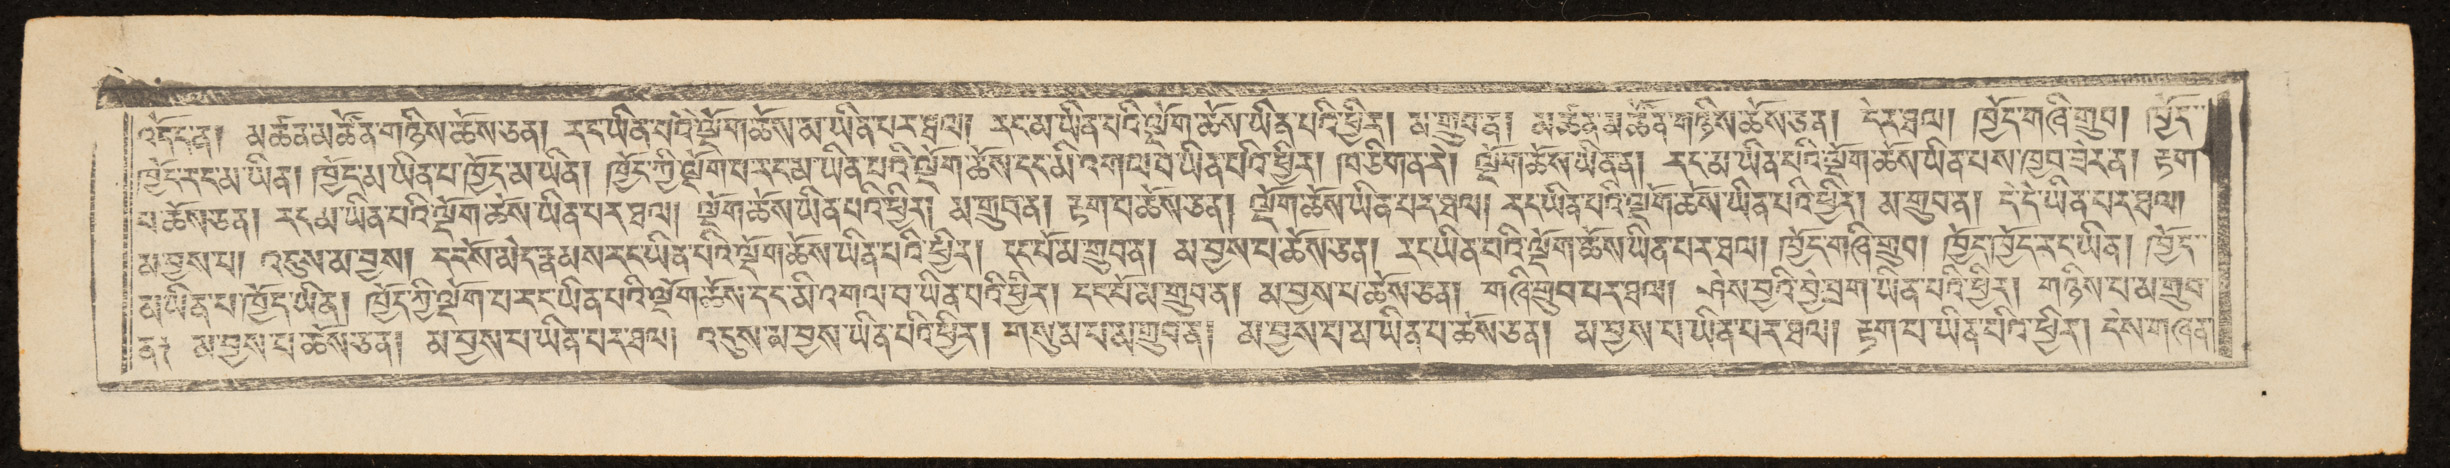འདོད་ན། མཚན་མཚོན་གཉིས་ཆོས་ཅན། རང་ཡིན་པའི་ལྡོག་ཆོས་མ་ཡིན་པར་ཐལ། རང་མ་ཡིན་པའི་ལྡོག་ཆོས་ཡིན་པའི་ཕྱིར། མ་གྲུབ་ན། མཚན་མཚོན་གཉིས་ཆོས་ཅན། དེར་ཐལ། ཁྱོད་གཞི་གྲུབ། ཁྱོད་
ཁྱོད་རང་མ་ཡིན། ཁྱོད་མ་ཡིན་པ་ཁྱོད་མ་ཡིན། ཁྱོད་ཀྱི་ལྡོག་པ་རང་མ་ཡིན་པའི་ལྡོག་ཆོས་དང་མི་འགལ་བ་ཡིན་པའི་ཕྱིར། ཁ་ཅིག་ན་རེ། ལྡོག་ཆོས་ཡིན་ན། རང་མ་ཡིན་པའི་ལྡོག་ཆོས་ཡིན་པས་ཁྱབ་ཟེར་ན། རྟག་
པ་ཆོས་ཅན། རང་མ་ཡིན་པའི་ལྡོག་ཆོས་ཡིན་པར་ཐལ། ལྡོག་ཆོས་ཡིན་པའི་ཕྱིར། མ་གྲུབ་ན། རྟག་པ་ཆོས་ཅན། ལྡོག་ཆོས་ཡིན་པར་ཐལ། རང་ཡིན་པའི་ལྡོག་ཆོས་ཡིན་པའི་ཕྱིར། མ་གྲུབ་ན། དེ་དེ་ཡིན་པར་ཐལ།
མ་བྱས་པ། འདུས་མ་བྱས། དངོས་མེད་རྣམས་རང་ཡིན་པའི་ལྡོག་ཆོས་ཡིན་པའི་ཕྱིར། དང་པོ་མ་གྲུབ་ན། མ་བྱས་པ་ཆོས་ཅན། རང་ཡིན་པའི་ལྡོག་ཆོས་ཡིན་པར་ཐལ། ཁྱོད་གཞི་གྲུབ། ཁྱོད་ཁྱོད་རང་ཡིན། ཁྱོད་
མ་ཡིན་པ་ཁྱོད་ཡིན། ཁྱོད་ཀྱི་ལྡོག་པ་རང་ཡིན་པའི་ལྡོག་ཆོས་དང་མི་འགལ་བ་ཡིན་པའི་ཕྱིར། དང་པོ་མ་གྲུབ་ན། མ་བྱས་པ་ཆོས་ཅན། གཞི་གྲུབ་པར་ཐལ། ཤེས་བྱའི་བྱེ་བྲག་ཡིན་པའི་ཕྱིར། གཉིས་པ་མ་གྲུབ་
ན། མ་བྱས་པ་ཆོས་ཅན། མ་བྱས་པ་ཡིན་པར་ཐལ། འདུས་མ་བྱས་ཡིན་པའི་ཕྱིར། གསུམ་པ་མ་གྲུབ་ན། མ་བྱས་པ་མ་ཡིན་པ་ཆོས་ཅན། མ་བྱས་པ་ཡིན་པར་ཐལ། རྟག་པ་ཡིན་པའི་ཕྱིར། དེས་གཞན་